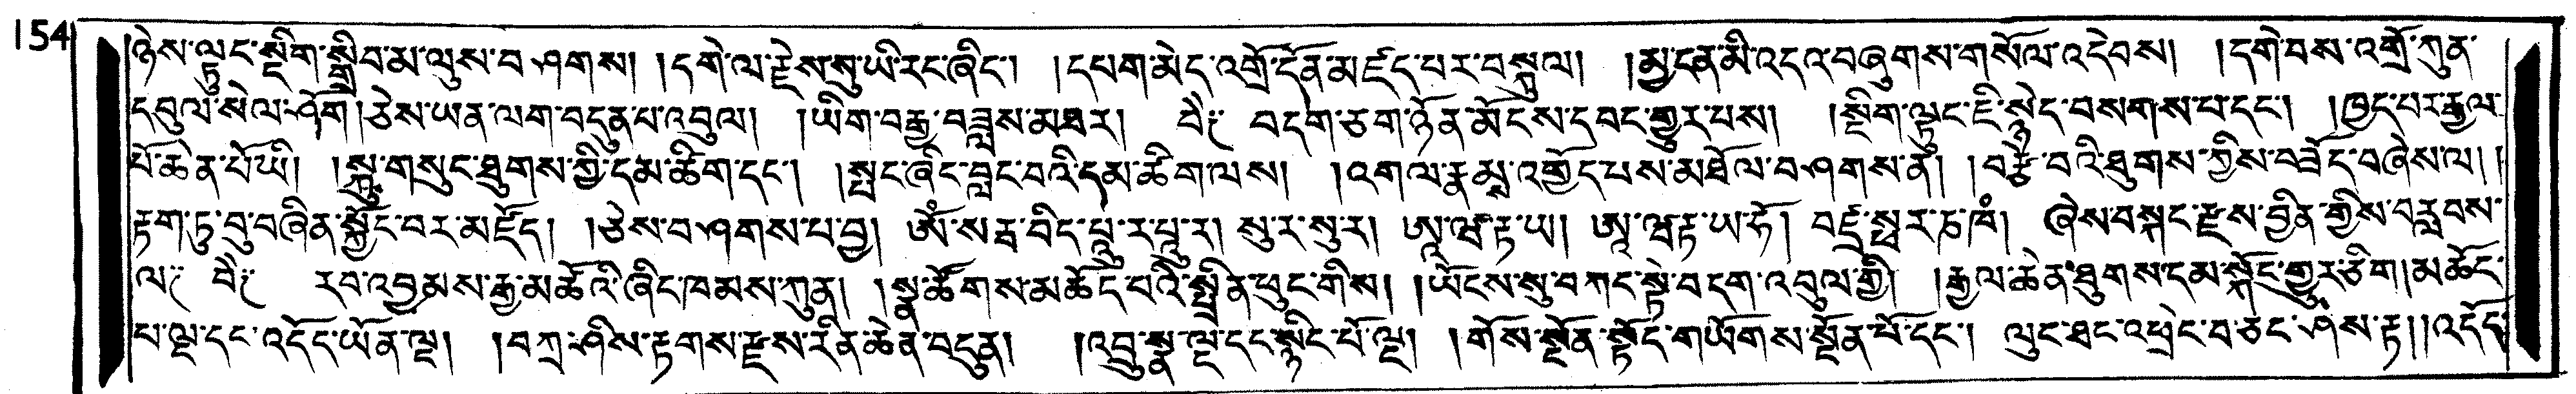ཉེས་ལྟུང་སྡིག་སྒྲིབ་མ་ལུས་བཤགས། །དགེ་ལ་རྗེས་སུ་ཡི་རང་ཞིང་། །དཔག་མེད་འགྲོ་དོན་མཛད་པར་བསྐུལ། །མྱ་ངན་མི་འདའ་བཞུགས་གསོལ་འདེབས། །དགེ་བས་འགྲོ་ཀུན་
དབུལ་སེལ་ཤོག །ཅེས་ཡན་ལག་བདུན་པ་འབུལ། །ཡིག་བརྒྱ་བཟླས་མཐར། བཻ༑ བདག་ཅག་ཉོན་མོངས་དབང་གྱུར་པས། །སྡིག་ལྟུང་ཇི་སྙེད་བསགས་པ་དང་། །ཁྱད་པར་རྒྱལ་
པོ་ཆེན་པོ་ཡི། །སྐུ་གསུང་ཐུགས་ཀྱི་དམ་ཚིག་དང་། །སྤང་ཞིང་བླང་བའི་དམ་ཚིག་ལས། །འགལ་རྣམས་འགྱོད་པས་མཐོལ་བཤགས་ན། །བརྩེ་བའི་ཐུགས་ཀྱིས་བཟོད་བཞེས་ལ། །
རྟག་ཏུ་བུ་བཞིན་སྐྱོང་བར་མཛོད། །ཅེས་བཤགས་པ་བྱ། ཨོཾ་སརྦ་བིད་པཱུ་ར་པཱུ་ར། སུ་ར་སུ་ར། ཨཱ་ཝ་རྟ་ཡ། ཨཱ་ཝ་རྟ་ཡ་ཧོ། བྫྲ་སྥར་ཎ་ཁཾ། ཞེས་བསྐང་རྫས་བྱིན་གྱིས་བརླབས་
ལ༑ བཻ༑ རབ་འབྱམས་རྒྱ་མཚོའི་ཞིང་ཁམས་ཀུན། །སྣ་ཚོགས་མཆོད་པའི་སྤྲིན་ཕུང་གིས། །ཡོངས་སུ་བཀང་སྟེ་བདག་འབུལ་གྱི། །རྒྱལ་ཆེན་ཐུགས་དམ་སྐོང་གྱུར་ཅིག །མཆོད་
པ་ལྔ་དང་འདོད་ཡོན་ལྔ། །བཀྲ་ཤིས་རྟགས་རྫས་རིན་ཆེན་བདུན། །འབྲུ་སྣ་ལྔ་དང་སྙིང་པོ་ལྔ། །གོས་སྔོན་སྟོང་གཡོགས་སྔོན་པོ་དང་། ལུང་ཐང་འཕྲེང་བ་ཅང་ཤེས་རྟ། །འདོད་